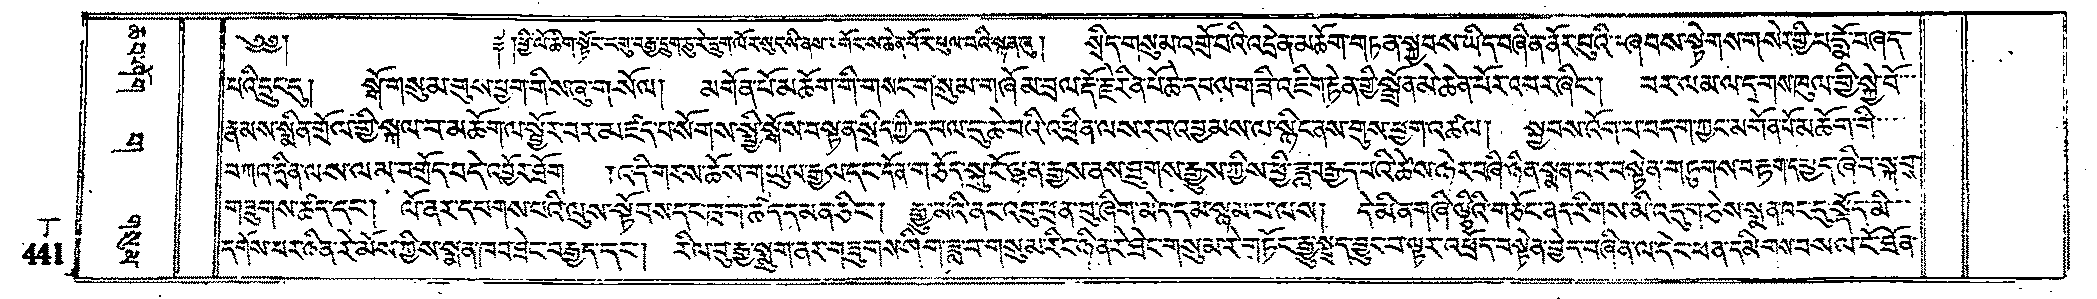༄༅། འ།ཕྱི་ལོ་ཆིག་སྟོང་དགུ་བརྒྱ་དྲུག་ཅུ་རེ་དྲུག་ལོར་སུད་སི་ནས ༧གོང་ས་ཆེན་པོར་ཕུལ་བའི་སྙན་ཞུ།  སྲིད་གསུམ་འགྲོ་བའི་འདྲེན་མཆོག་གཏན་སྐྱབས་ཡིད་བཞིན་ནོར་བུའི ༧ཞབས་སྟེགས་གསེར་གྱི་པདམོ་བཞད་་་
པའི་དྲུང་དུ། སྒོ་གསུམ་གུས་ཕྱག་གིས་ཞུ་གསོལ། མགོན་པོ་མཆོག་གི་གསང་གསུམ་གཞོམ་བྲལ་རྡོ་རྗེ་རིན་པོ་ཆེ་དཔལ་གཟི་འཇིག་རྟེན་གྱི་སྒྲོན་མེ་ཆེན་པོར་འབར་ཞིང་། བར་ལམ་ལ་དྭགས་ཁུལ་གྱི་སྐྱེ་བོ་་་
རྣམས་སྨིན་གྲོལ་གྱི་སྐལ་བ་མཆོག་ལ་སྦྱོར་བར་མཛད་པ་སོགས་སྤྱི་སྒོས་བསྟན་སྲིད་ཀྱི་དཔལ་དུ་ཆེ་བའི་འཕྲིན་ལས་རབ་འབྱམས་ལ་སྙིང་ནས་གུས་ཕྱག་འཚལ། སྐྱབས་འོག་པ་བདག་ཀྱང་མགོན་པོ་མཆོག་གི་་་
བཀའ་དྲིན་ལས་ལམ་བགྲོད་བདེ་འབྱོར་ཐོག །འདི་གར་ས་ཆོས་གཡུལ་རྒྱལ་དང་དོན་གཅོད་སྐུ་ངོ་ལྷན་རྒྱས་ནས་ཐུགས་རྒྱུས་ཀྱིས་ཕྱི་ཟླ་བརྒྱད་པའི་ཚེས་ཉེར་བཞི་ཉིན་སྨན་པར་བསྟེན་གཏུགས་བརྟག་དཔྱད་ཞིབ་སྐབས་
གཟུགས་ཚད་དང་། ལོ་ནར་དཔགས་པའི་ལུས་སྟོབས་དང་ཁྲག་ཚད་དམན་ཅིང་། རྒྱུ་མའི་ནང་འབུ་ཕྲན་བུ་ཞིག་མེད་དམ་སྙམ་པ་ལས། དེ་མིན་གཞི་ལྕིའི་གཅོང་ནད་རིགས་མི་འདུག་ཅེས་སྨན་ཁང་དུ་སྡོད་མི་་་
དགོས་པར་ཉིན་རེ་མོས་ཀྱིས་སྨན་ཁབ་ཐེང་བརྒྱད་དང་། རིལ་བུ་རྒྱ་སྨུག་ནར་གཟུགས་ཤིག་ཟླ་བ་གསུམ་རིང་ཉིན་རེ་ཐེང་གསུམ་རེ་གཏོང་རྒྱུ་སྤྲད་བྱུང་བ་ལྟར་འཕྲོད་བསྟེན་བྱེད་བཞིན་ལ་དེང་ཕན་དམིགས་བསལ་ངོ་ཐོན་